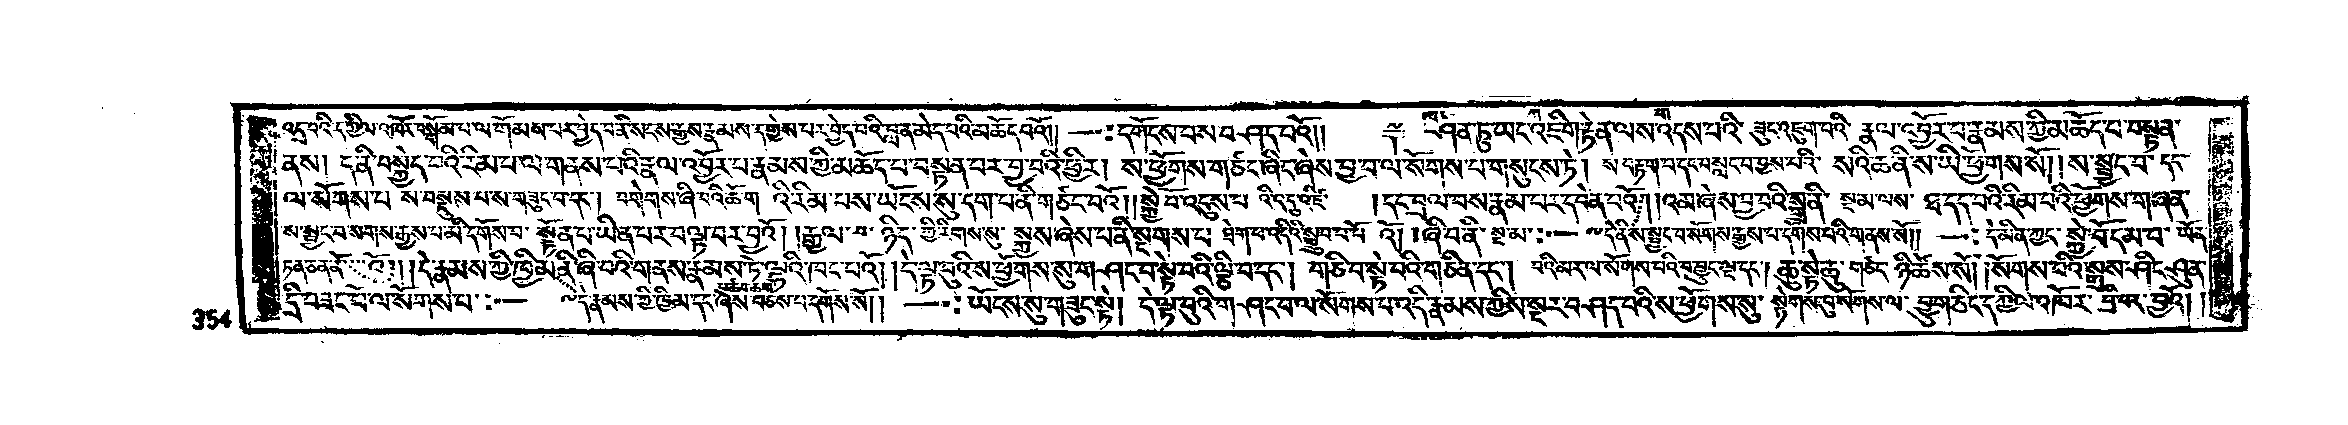འདྲ་བའི་དཀྱིལ་འཁོར་བསྒོམ་པ་ལ་གོམས་པར་བྱེད་པ་ནི་སངས་རྒྱས་རྣམས་དགྱེས་པར་བྱེད་པའི་བླ་ན་མེད་པའི་མཆོད་བའོ།། .Hདགོངས་པས་བཤད་པའོ།། ༈ ཁ་ཤིན་ཏུ་ཡང་ཀ྄་འཇིག་རྟེན་ལས་ག྄་འདས་པའི་ཟུང་འཇུག་པའི་རྣལ་འབྱོར་པ་རྣམས་ཀྱི་མཆོད་པ་བསྟན་
ནས། དེ་ནི་བསྐྱེད་པའི་རིམ་པ་ལ་གནས་པའི་རྣལ་འབྱོར་པ་རྣམས་ཀྱི་མཆོད་པ་བསྟན་པར་བྱ་བའི་ཕྱིར། ས་ཕྱོགས་གཙང་ཞིང་ཞེས་བྱ་བ་ལ་སོགས་པ་གསུངས་ཏེ། ས་བརྟག་པ་དང་བསླང་བ་བྱས་པའི་སའི་ཆ་ནི་ས་ཡི་ཕྱོགས་སོ། །ས་སྦྱང་བ་དང
ལ་སོགས་པ་ས་བསྡུས་པས་གཟུང་བ་དང་། བགེགས་ཞི་བའི་ཆོ་གའི་རིམ་པས་ཡོངས་སུ་དག་པ་ནི་གཙང་བའོ། །སྐྱེ་བོ་འདུས་པའི་འདུ་འཛི་།དང་བྲལ་བས་རྣམ་པར་དབེན་པའོ། །འམ་ཞེས་བྱ་བའི་སྒྲ་ནི་སྔ་མ་ལས་ཐ་དད་པའི་རིམ་པའི་ཕྱོགས་གཞན་
ས་སྦྱང་བ་སོགས་རྒྱས་པ་མི་དགོས་པ་སྟོན་པ་ཡིན་པར་བལྟ་བར་བྱའོ། །རྒྱལ་བ་ཉིད་ཀྱི་རིགས་སུ་སྐྱེས་ཞེས་པ་ནི་སྔགས་པ་ཐེག་པ་འདིའི་སྒྲུབ་པ་པོ་འོ། །ཞི་བ་ནི་སྔ་མ་H.་༧དེ་ནི་ས་སྦྱང་བ་སོགས་རྒྱས་པ་དོགས་པའི་གནས་སོ།། .Hདེ་མིན་ཀྱང་སྐྱེ་བོ་དམ་པ་ཡོན་
ཏན་ཅན་ནོ་འོ། །དེ་རྣམས་ཀྱི་ཁྱིམ་ནི་ཞི་བའི་གནས་རྣམས་ཏེ་ལྷའི་ཁང་པའོ། །དེ་ལྟ་བུའི་ས་ཕྱོགས་སུ་གཤད་པ་སྟེ་བའི་ལྕི་བ་དང་། གཅི་བ་སྟེ་བའི་གཅིན་དང་། བའི་མར་ལ་སོགས་པའི་དབྱུང་ལྔ་དང་།  ཆུ་སྟེ་ཆུ་གཙང་ཉི་ཚེས་སོ། །སོགས་པའི་སྒྲས་ཤིང་ཤུན་
དྲི་བཟང་པོ་ལ་སོགས་པ་H.་༧དེ་རྣམས་ཀྱི་ཁྱིམ་དང་པ་ཚབ་ཆག་ཞེས་བཅས་པ་དགོས་སོ།།  .Hཡོངས་སུ་གཟུང་སྟེ། དེ་ལྟ་བུའི་གཤང་བ་ལ་སོགས་པ་འདི་རྣམས་ཀྱིས་སྔར་བཤད་པའི་ས་ཕྱོགས་སུ་སྟེགས་བུ་སོགས་ལ་བྱུག་ཅིང་དཀྱིལ་འཁོར་བྲི་བར་བྱའོ། །